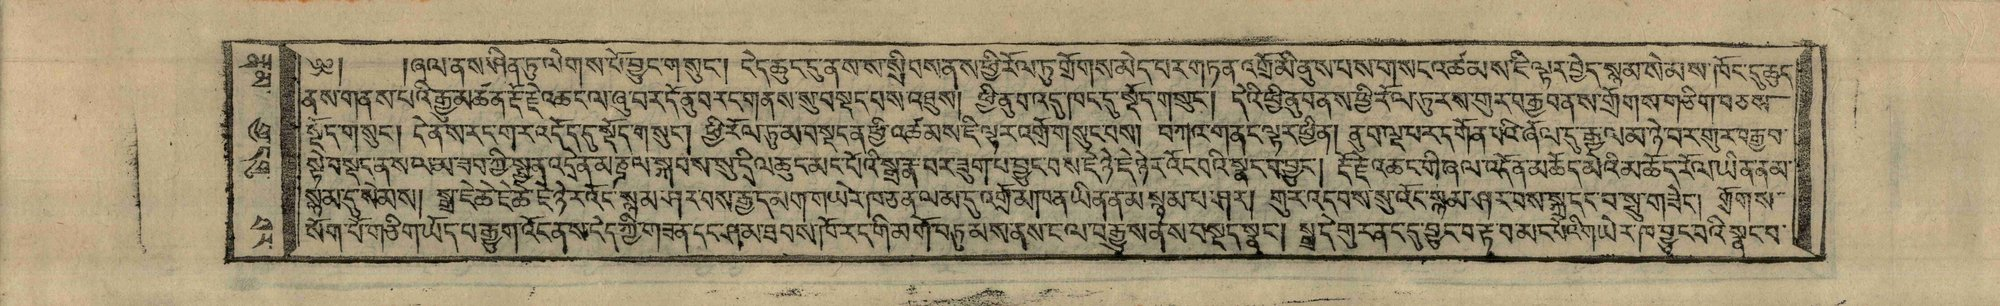༄༅། །ཞལ་ནས་ཤིན་ཏུ་ལེགས་པོ་བྱུང་གསུང་། ངེད་ཆུང་ངུ་ནས་ས་སྲིབས་ནས་ཕྱི་རོལ་ཏུ་གྲོགས་མེད་པར་གཏན་འགྲོ་མི་ནུས་པས་གསང་འཚམས་ཇི་ལྟར་བྱེད་སྙམ་སེམས་ཁོང་དུ་ཆུང་
ནས་གནས་པའི་རྒྱུ་མཚན་རྡོ་རྗེ་འཆང་ལ་ཞུ་བར་དོ་ནུབ་རང་གནས་སུ་བསྡད་པས་འཐུས། ཕྱི་ནུབ་འདུ་ཁང་དུ་སྡོད་གསུང་། དེའི་ཕྱི་ནུབ་ནས་ཕྱི་རོལ་ཏུ་རས་གུར་བརྒྱབ་ནས་གྲོགས་གཅིག་བཅས་
སྡོད་གསུང་། དེ་ནས་རང་གར་འདོད་དུ་སྡོད་གསུང་། ཕྱི་རོལ་ཏུ་མ་བསྡད་ན་ཕྱི་འཚམས་ཇི་ལྟར་འགྲོ་གསུང་པས། བཀའ་གནང་ལྟར་ཕྱིན། ནུབ་ལྔ་པར་དགོན་པའི་ཞོལ་དུ་རྒྱ་ལམ་ཉེ་བར་གུར་བརྒྱབ་
སྟེ་བསྡད་ནས་ལམ་ཟབ་ཀྱི་སྤྱན་འདྲེན་མཎྜལ་སྐབས་སུ་དྲིལ་ཆུང་མང་པོའི་སྒྲ་རྣ་བར་ཟུག་པ་བྱུང་བས་ཇེ་ཉེ་ཇེ་ཉེར་འོང་བའི་སྣང་བ་བྱུང་། རྡོ་རྗེ་འཆང་གི་ཞལ་འདོན་མཆོད་མེའི་མཆོད་རོལ་ཡིན་ནམ་
སྙམ་དུ་སེམས། སྒྲ་ཇེ་ཆེ་ཇེ་ཆེ་ཇེ་ཉེར་འོང་སྙམ་ཤར་བས་རྒྱ་དམག་གཡེར་ཁ་ཅན་ལམ་དུ་འགྲོ་མཁན་ཡིན་ནམ་སྙམ་པ་ཤར། གུར་འདབས་སུ་འོང་སྙམ་ཤར་བས་སྐྲ་དང་བ་སྤུ་གཟེང་། གྲོགས་
སོག་པོ་གཅིག་ཡོད་པ་རྒྱུག་འོང་ནས་ངེད་ཀྱི་གཟན་དང་ཤམ་ཐབས་ཁོ་རང་གི་མགོ་བཏུམས་ནས་ང་ལ་བརྒྱུས་ནས་བསྡད་སྣང་། སྒྲ་དེ་གུར་ནང་དུ་བྱུང་བ་རྟ་བ་མང་པོའི་གཡེར་ཁ་བྱུང་བའི་སྣང་བ་